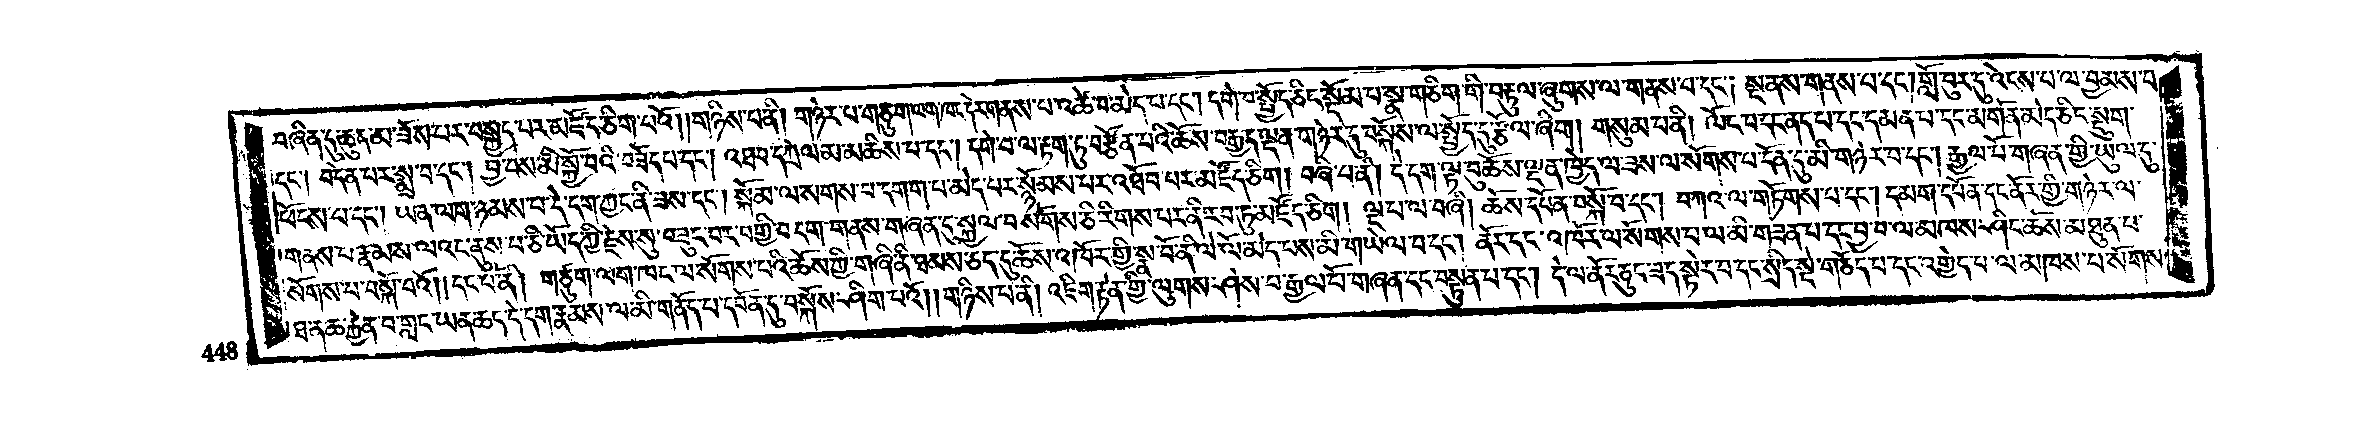བཞིན་དུ་ཆུན་མ་ཟོས་པར་བསྐྱད་པར་མཛོད་ཅིག་པའོ། །གཉིས་པ་ནི། གཉེར་པ་གཅུག་ལག་ཁང་དེར་གནས་པ་འཚེ་བ་མེད་པ་དང་། དགེ་བ་སྤྱོད་ཅིང་སྡོམ་པ་སྣ་གཅིག་གི་བརྟུལ་ཞུགས་ལ་གནས་པ་དང་། སྔ་ནས་གནས་པ་དང་། གློ་བུར་དུ་འོངས་པ་ལ་བྱམས་པ་
དང་། བདེན་པར་སྨྲ་བ་དང་། བྱ་བས་མི་སྐྱོ་བའི་བཟོད་པ་དང་། འཐབ་དཀྲེལ་མ་མཆིས་པ་དང་། དགེ་བ་ལ་རྟག་ཏུ་བརྩོན་པའི་ཆོས་བརྒྱད་ལྡན་གཉེར་དུ་བསྐོས་ལ་སྤྱོད་དུ་རྩོལ་ཞིག །གསུམ་པ་ནི། ལོང་པ་དང་ནད་པ་དང་དམན་པ་དང་མགོན་མེད་ཅིང་སྡུག་
ཕོངས་པ་དང་། ཡན་ལག་ཉམས་པ་དེ་དག་ཀྱང་ནི་ཟས་དང་། སྐོམ་ལ་སོགས་པ་དགག་པ་མེད་པར་སྙོམས་པར་འཐོབ་པར་མཛོད་ཅིག །བཞི་པ་ནི། དེ་དག་ལྟ་བུ་ཆོས་ལྡན་ཁྱེད་ལ་ཟས་ལ་སོགས་པ་དོན་དུ་མི་གཉེར་བ་དང་། རྒྱལ་པོ་གཞན་གྱི་ཡུལ་དུ་
གནས་པ་རྣམས་ལའང་ནུས་པ་ཅི་ཡོད་ཀྱི་རྗེས་སུ་བཟུང་བར་བགྱི་བ་དག་གནས་གཞན་དུ་སྐྱལ་བ་སོགས་ཅི་རིགས་པར་ནི་རབ་ཏུ་མཛོད་ཅིག །ལྔ་པ་ལ་བཞི། ཆོས་དཔོན་བསྐོ་བ་དང་། བཀའ་ལ་གཏོགས་པ་དང་། དམག་དཔོན་དང་ནོར་གྱི་གཉེར་ལ་
སོགས་པ་བསྐོ་བའོ། །དང་པོ་ནི། གཙུག་ལག་ཁང་ལ་སོགས་པའི་ཆོས་ཀྱི་གཞི་ནི་ཐམས་ཅད་དུ་ཆོས་འཁོར་གྱི་སྣ་བོ་ནི་ལེ་ལོ་མེད་པས་མི་གཡེལ་བ་དང་། ནོར་དང་འཁོར་ལ་སོགས་པ་ལ་མི་གཟན་པ་དང་བྱ་བ་ལ་མཁས་ཤིང་ཆོས་མཐུན་པ་
ཐ་ན་ཆ་རྐྱེན་བ་གླང་ཡན་ཆད་དེ་དག་རྣམས་ལ་མི་གནོད་པ་དཔོན་དུ་བསྐོས་ཤིག་པའོ། །གཉིས་པ་ནི། འཇིག་རྟེན་གྱི་ལུགས་ཤེས་པ་རྒྱལ་པོ་གཞན་དང་བསྟུན་པ་དང་། དེ་ལ་ནོར་ཅུང་ཟད་སྟེར་པ་དང་སྲིད་སྡེ་གཅོད་པ་དང་འགྱེད་པ་ལ་མཁས་པ་སོགས་